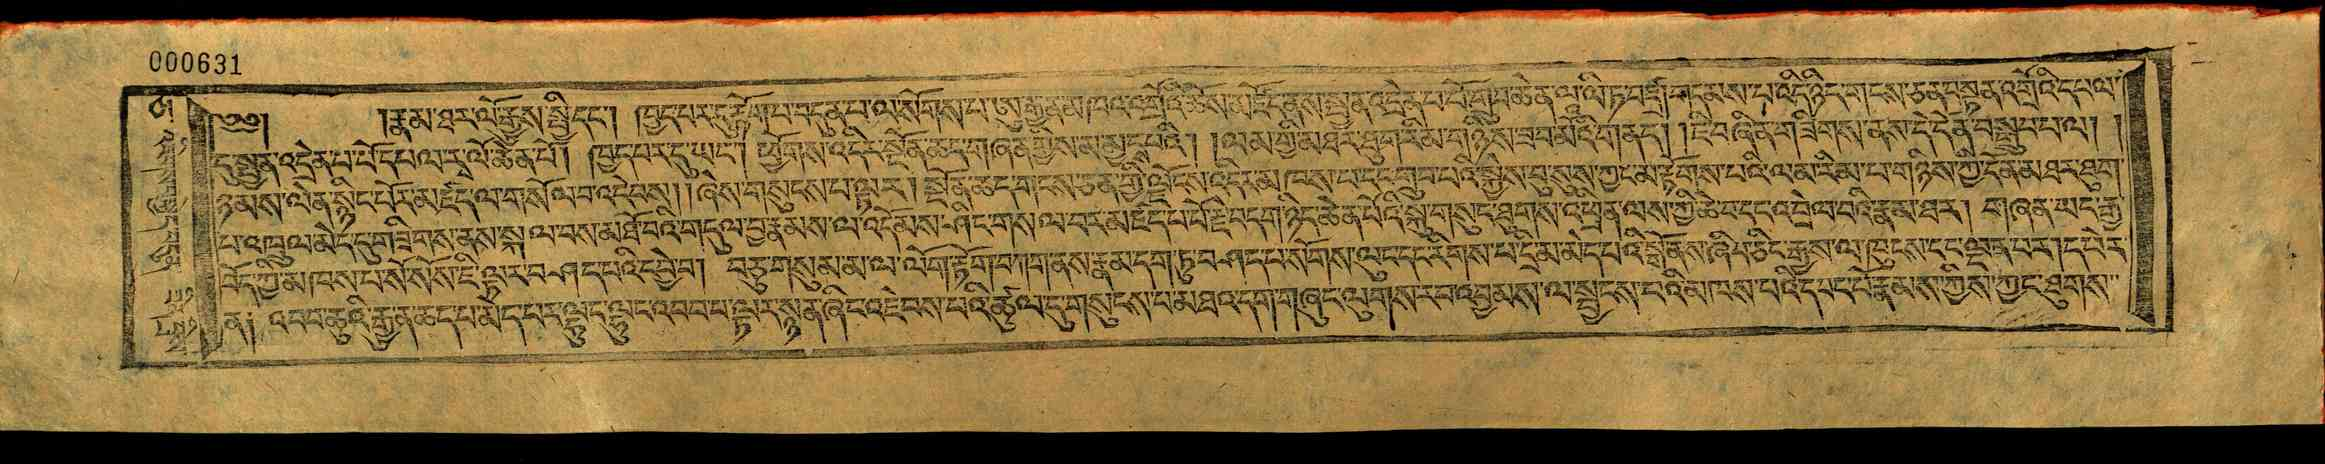༄༅། །རྣམ་ཐར་ལོ་རྒྱུས་སྤྱི་དང་། ཁྱད་པར་དུ་རྟོག་པ་བདུན་པ་ལ་སོགས་པ་ཨུ་རྒྱན་མཁའ་འགྲོའི་ཆོས་མཛོད་ནས་སྤྱན་འདྲེན་པ་པོ་གྲུབ་ཆེན་ལ་ལི་ཏ་བཛྲ། གདམས་པ་འདི་ཉིད་གངས་ཅན་བསྟན་འགྲོའི་དཔལ་
དུ་སྤྱན་འདྲེན་པ་པོ་དཔལ་རྭ་ལོ་ཆེན་པོ། ཁྱད་པར་དུ་ཡང་། ཕྱོགས་འདིར་སྔོན་ཆད་གཞན་གྱིས་མ་མྱངས་པའི། །ལམ་གྱི་མཐར་ཐུག་རིམ་གཉིས་ཟབ་མོའི་གནད། །ཇི་བཞིན་གཟིགས་ནས་དེ་དོན་བསྒྲུབ་པ་ལ། །
ཉམས་ལེན་སྙིང་པོར་མཛད་ལ་གསོལ་བ་འདེབས། །ཞེས་གསུངས་པ་ལྟར་།སྔོན་ཆད་གངས་ཅན་གྱི་ལྗོངས་འདིར་མཁས་པ་དང་གྲུབ་པའི་སྐྱེས་བུ་སུས་ཀྱང་མ་རྟོགས་པའི་ལམ་རིམ་པ་གཉིས་ཀྱི་དོན་མཐར་ཐུག་
པ་འཁྲུལ་མེད་དུ་གཟིགས་ནས་སྐལ་བས་མཐོ་བའི་གདུལ་བྱ་རྣམས་ལ་འདོམས་ཤིང་གསལ་བར་མཛད་པ་པོ་རྗེ་བདག་ཉིད་ཆེན་པོའི་སྐུ་གསུང་ཐུགས་འཕྲིན་ལས་ཀྱི་ཆེ་བ་དང་འབྲེལ་བའི་རྣམ་ཐར། གཞན་ཡང་རྒྱ་
བོད་ཀྱི་མཁས་པ་སོ་སོས་ཇི་ལྟར་བཤད་པའི་དབྱེ་བ། བཅུ་གསུམ་མ་ལ་ལོག་རྟོག་བཀག་ནས་རྣམ་དག་ཏུ་བཤད་པ་སོགས་ལུང་དང་རིགས་པ་དྲི་མ་མེད་པའི་སྒོ་ནས་ཞིབ་ཅིང་རྒྱས་ལ་ཁུངས་དང་ལྡན་པར། དཔེར་
ན༑ འབབ་ཆུའི་རྒྱུན་ཆད་པ་མེད་པར་ལྷུང་ལྷུང་འབབ་པ་ལྟར་སྙན་ཞིང་འཇེབས་པའི་ཚུལ་དུ་གསུངས་པ་མཐའ་དག་གཞུང་ལུགས་རབ་འབྱམས་ལ་སྦྱངས་པའི་མཁས་པའི་དབང་པོ་རྣམས་ཀྱིས་ཀྱང་ཐུགས་